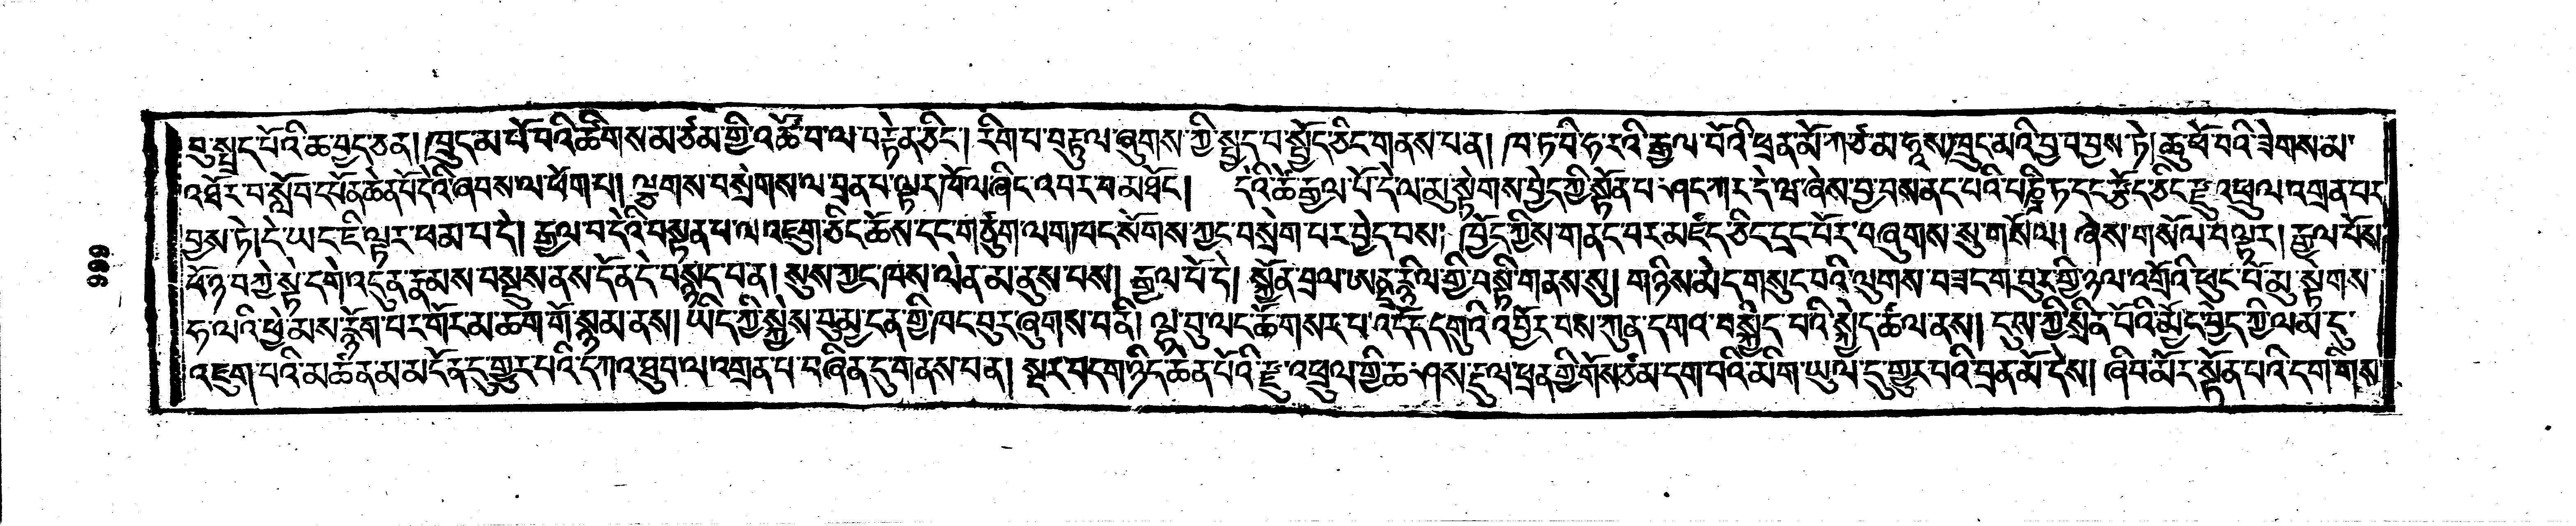བུ་སྤྲང་པོའི་ཆ་བྱད་ཅན། ཁྲུང་མ་ཕོ་བའི་ཚིགས་མ་ཙམ་གྱི་འཚོ་བ་ལ་བརྟེན་ཅིང་། རིག་པ་བརྟུལ་ཞུགས་ཀྱི་སྤྱད་པ་སྤྱོད་ཅིང་གནས་པ་ན། ཁ་ཏ་བི་ཧ་རའི་རྒྱལ་པོའི་ཕྲན་མོ་ཀ་ཙ་མ་ཧཱས་ཁྲུང་མའི་བྱ་བ་བྱས་ཏེ། ཆུ་ཕོ་བའི་ཟེགས་མ་
འཐོར་བ་སློབ་དཔོན་ཆེན་པོ་དེའི་ཞབས་ལ་ཕོག་པ། ལྕགས་བསྲེགས་ལ་བྲན་པ་ལྟར་ཁོལ་ཞིང་འབར་བ་མཐོང་། དེའི་ཚེ་རྒྱལ་པོ་དེ་ལ་མུ་སྟེགས་བྱེད་ཀྱི་སྟོན་པ་ཤང་ཀར་དེ་ཝ་ཞེས་བྱ་བས་ནང་པའི་པཎྜི་ཏ་དང་རྩོད་ཅིང་རྫུ་འཕྲུལ་འགྲན་པར་
བྱས་ཏེ། དེ་ཡང་ཇི་ལྟར་ཕམ་པ་དེ། རྒྱལ་བ་དེའི་བསྟན་པ་ལ་འཇུག་ཅིང་ཆོས་དང་གཙུག་ལག་ཁང་སོགས་ཀྱང་བསྲེག་པར་བྱེད་པས། ཁྱོད་ཀྱིས་གནང་བར་མཛད་ཅིང་དྲང་པོར་བཞུགས་སུ་གསོལ། ཞེས་གསོལ་བ་ལྟར། རྒྱལ་པོས་
ཕོ་ཉ་བཀྱེ་སྟེ་དགེ་འདུན་རྣམས་བསྡུས་ནས་དོན་དེ་བསྙད་པ་ན། སུས་ཀྱང་ཁས་ལེན་མ་ནུས་པས། རྒྱལ་པོ་དེ། སྐྱོན་བྲལ་ཨནྡྲ་རྙིལ་གྱི་བསྟི་གནས་སུ། གཉིས་མེད་གསུང་བའི་ལུགས་བཟང་ག་བུར་གྱི་ཉལ་འགྲོའི་ཕུང་པོ་མུ་སྟེགས་
ཧ་ལའི་ཕྱེ་མས་རྙོག་པར་གོར་མ་ཆག་གོ་སྙམ་ནས། ཡིད་ཀྱི་སྐྱེས་བུ་མྱ་ངན་གྱི་ཁང་བུར་ཞུགས་པ་ནི། ལྷ་བུ་ལང་ཚོ་གསར་པ་འདོད་དགུའི་འབྱོར་བས་ཀུན་དགའ་བསྐྱེད་པའི་སྐྱེད་ཚལ་ནས། དུས་ཀྱི་སྲིན་པའི་མྱང་བྱེད་ཀྱི་ལམ་དུ་
འཇུག་པའི་མཚན་མ་མངོན་དུ་གྱུར་པའི་དཀའ་ཐུབ་ལ་འགྲན་པ་བཞིན་དུ་གནས་པ་ན། སྔར་བདག་ཉིད་ཆེན་པོའི་རྫུ་འཕྲུལ་གྱི་ཆ་ཤས་རྡུལ་ཕྲན་གྱི་གོས་ཙམ་དག་པའི་མིག་ཡུལ་དུ་གྱུར་པའི་བྲན་མོ་དེས། ཞིབ་མོར་སྟོན་པའི་ངག་གིས་